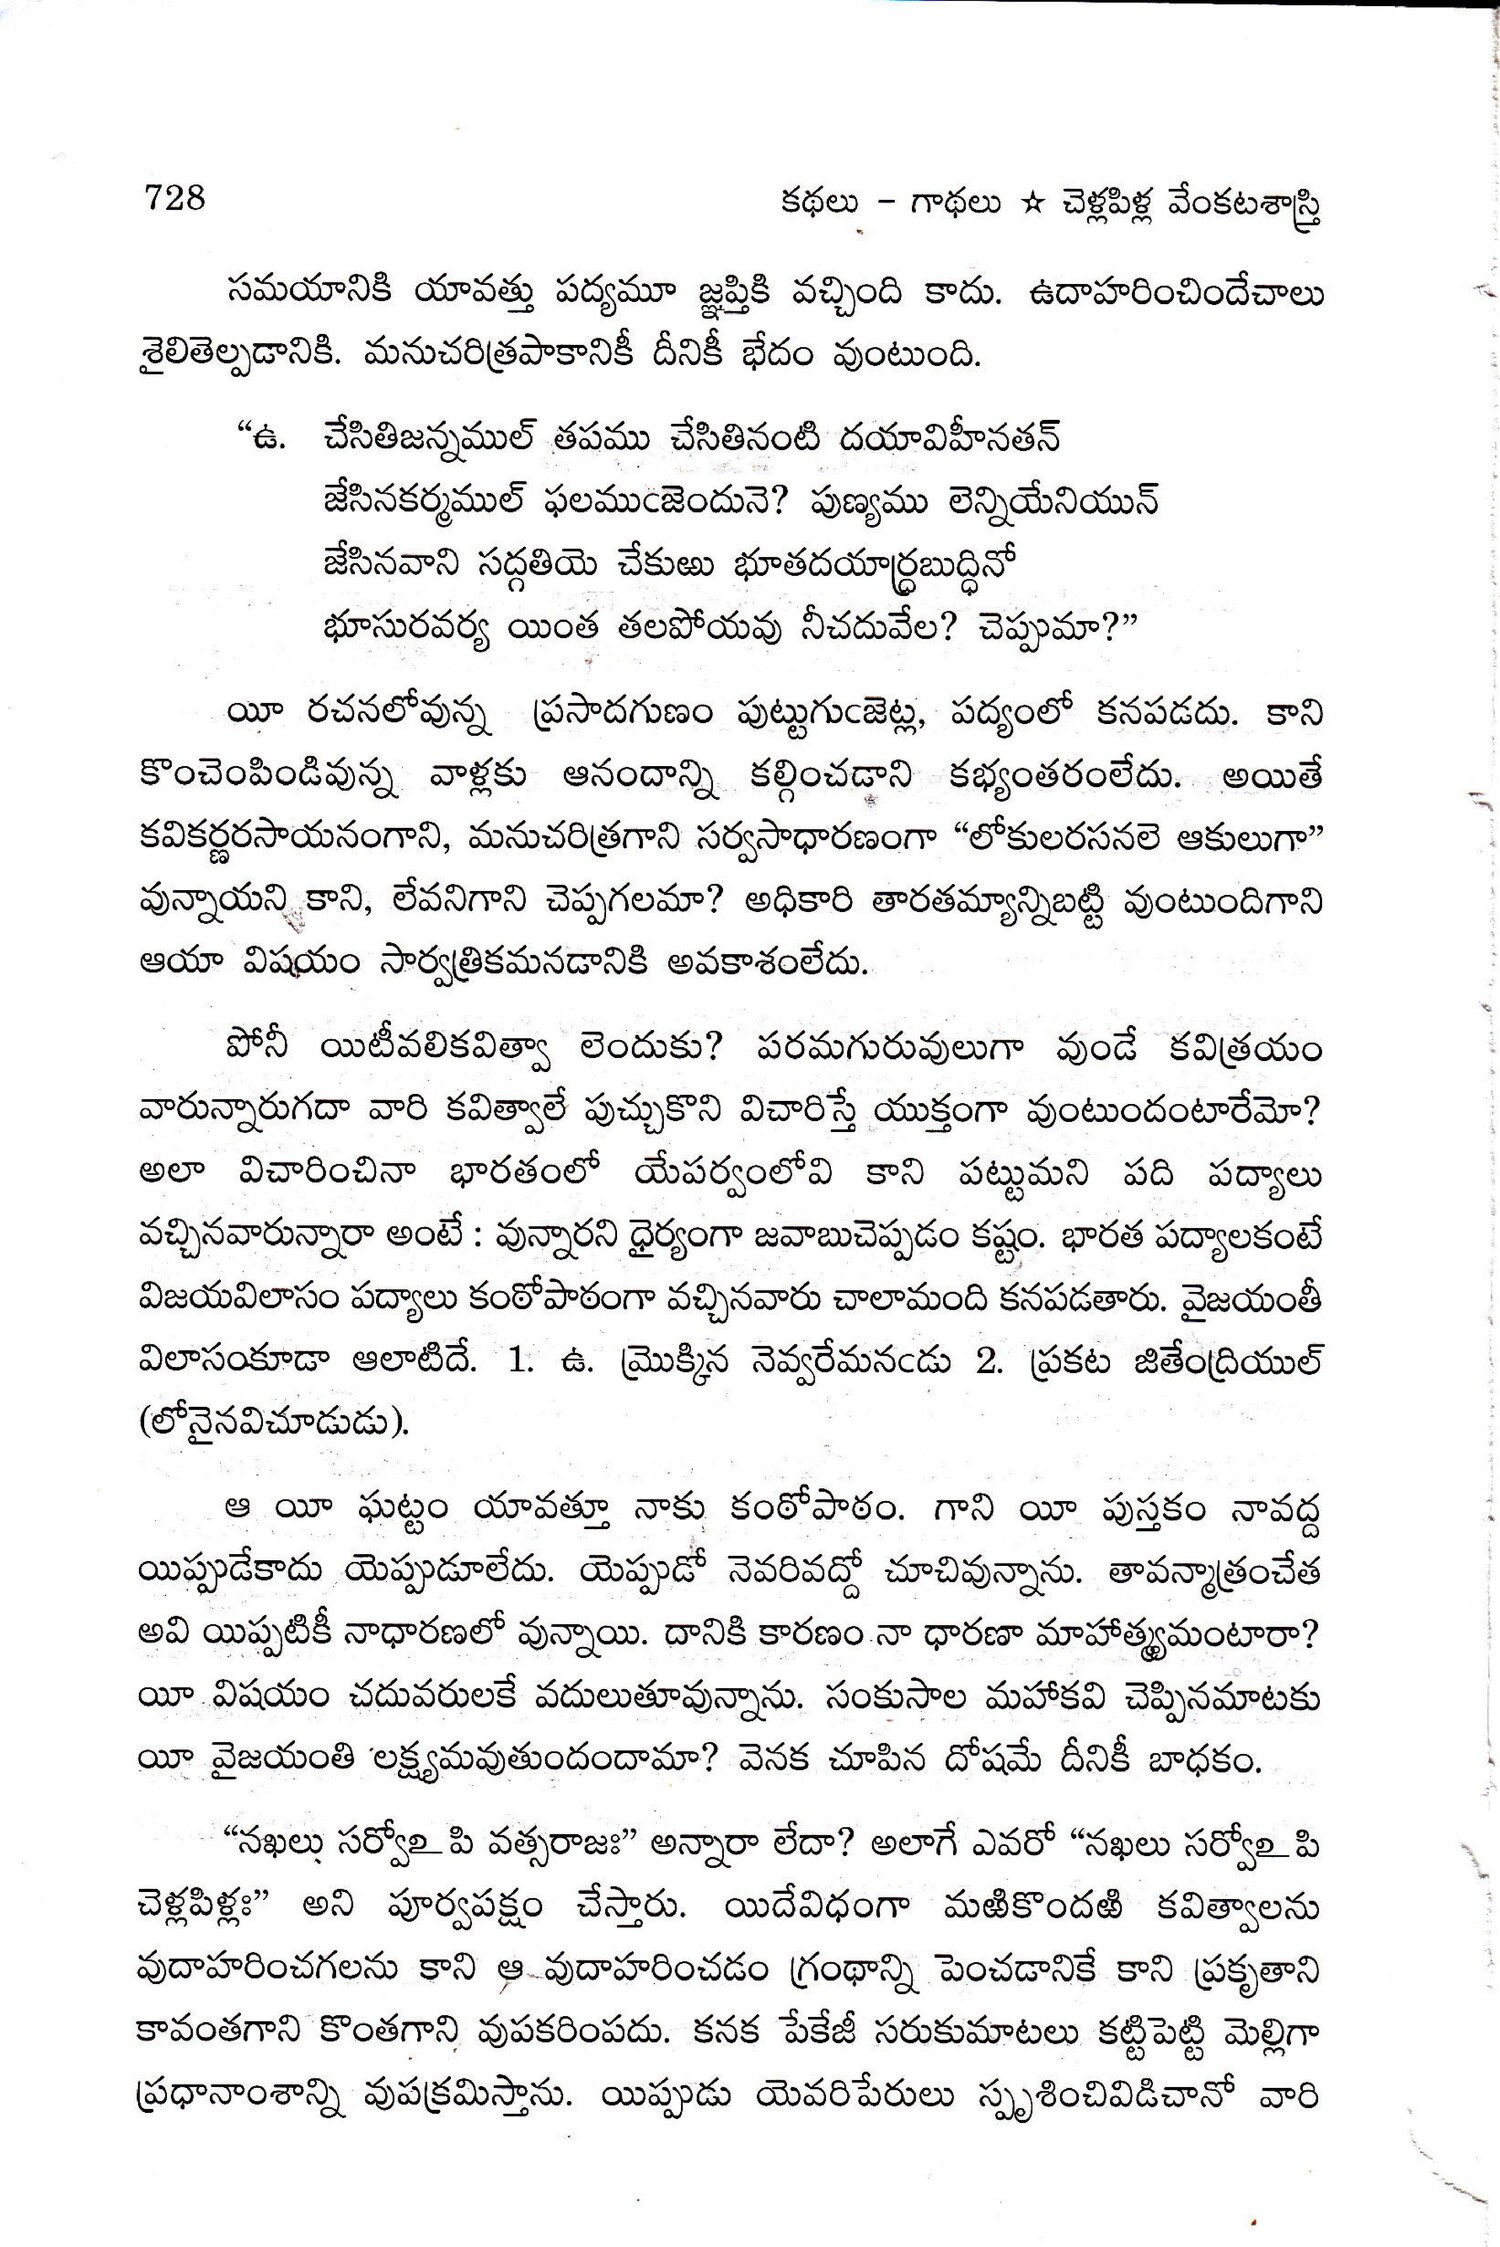సమయానికి యావత్తు పద్యమూ జ్ఞప్తికి వచ్చింది కాదు. ఉదాహరించిందేచాలు శైలితెల్పడానికి. మనుచరిత్రపాకానికీ దీనికీ భేదం వుంటుంది.

“ఉ. చేసితిజన్నముల్ తపము చేసితినంటి దయావిహీనతన్
 జేసినకర్మముల్ ఫలముఁజెందునె? పుణ్యము లెన్నియేనియున్ 
 జేసినవాని సద్గతియె చేకుఱు భూతదయార్థ్రబుద్ధినో 
 భూసురవర్య యింత తలపోయవు నీచదువేల? చెప్పుమా?"
యీ రచనలోవున్న ప్రసాదగుణం పుట్టుగుఁజెట్ల, పద్యంలో కనపడదు. కాని కొంచెంపిండివున్న వాళ్లకు ఆనందాన్ని కల్గించడాని కభ్యంతరంలేదు. అయితే కవికర్ణరసాయనంగాని, మనుచరిత్రగాని సర్వసాధారణంగా ‘లోకులరసనలె ఆకులుగా" వున్నాయని కాని, లేవనిగాని చెప్పగలమా? అధికారి తారతమ్యాన్నిబట్టి వుంటుందిగాని ఆయా విషయం సార్వత్రికమనడానికి అవకాశంలేదు.

పోనీ యిటీవలికవిత్వా లెందుకు? పరమగురువులుగా వుండే కవిత్రయం వారున్నారుగదా వారి కవిత్వాలే పుచ్చుకొని విచారిస్తే యుక్తంగా వుంటుందంటారేమో? అలా విచారించినా భారతంలో యేపర్వంలోవి కాని పట్టుమని పది పద్యాలు వచ్చినవారున్నారా అంటే : వున్నారని ధైర్యంగా జవాబుచెప్పడం కష్టం. భారత పద్యాలకంటే విజయవిలాసం పద్యాలు కంఠోపాఠంగా వచ్చినవారు చాలామంది కనపడతారు. వైజయంతీ విలాసంకూడా ఆలాటిదే. 1. ఉ. మ్రొక్కిన నెవ్వరేమనఁడు 2. ప్రకట జితేంద్రియుల్ (లోనైనవిచూడుడు). - -.

ఆ యీ ఘట్టం యావత్తూ నాకు కంఠోపాఠం. గాని యీ పుస్తకం నావద్ద యిప్పుడేకాదు యెప్పుడూలేదు. యెప్పుడో నెవరివద్దో చూచివున్నాను. తావన్మాత్రంచేత అవి యిప్పటికీ నాధారణలో వున్నాయి. దానికి కారణం నా ధారణా మాహాత్మ్యమంటారా? యీ విషయం చదువరులకే వదులుతూవున్నాను. సంకుసాల మహాకవి చెప్పినమాటకు యీ వైజయంతి లక్ష్యమవుతుందందామా? వెనక చూపిన దోషమే దీనికీ బాధకం.

“నఖలు సర్వో౽పి వత్సరాజః" అన్నారా లేదా? అలాగే ఎవరో “నఖలు సర్వో౽పి చెళ్లపిళ్లః" అని పూర్వపక్షం చేస్తారు. యిదేవిధంగా మఱికొందఱి కవిత్వాలను వుదాహరించగలను కాని ఆవుదాహరించడం గ్రంథాన్ని పెంచడానికే కాని ప్రకృతాని కావంతగాని కొంతగాని వుపకరింపదు. కనక పేకేజీ సరుకుమాటలు కట్టిపెట్టి మెల్లిగా ప్రధానాంశాన్ని వుపక్రమిస్తాను. యిప్పుడు యెవరిపేరులు స్పృశించివిడిచానో వారి